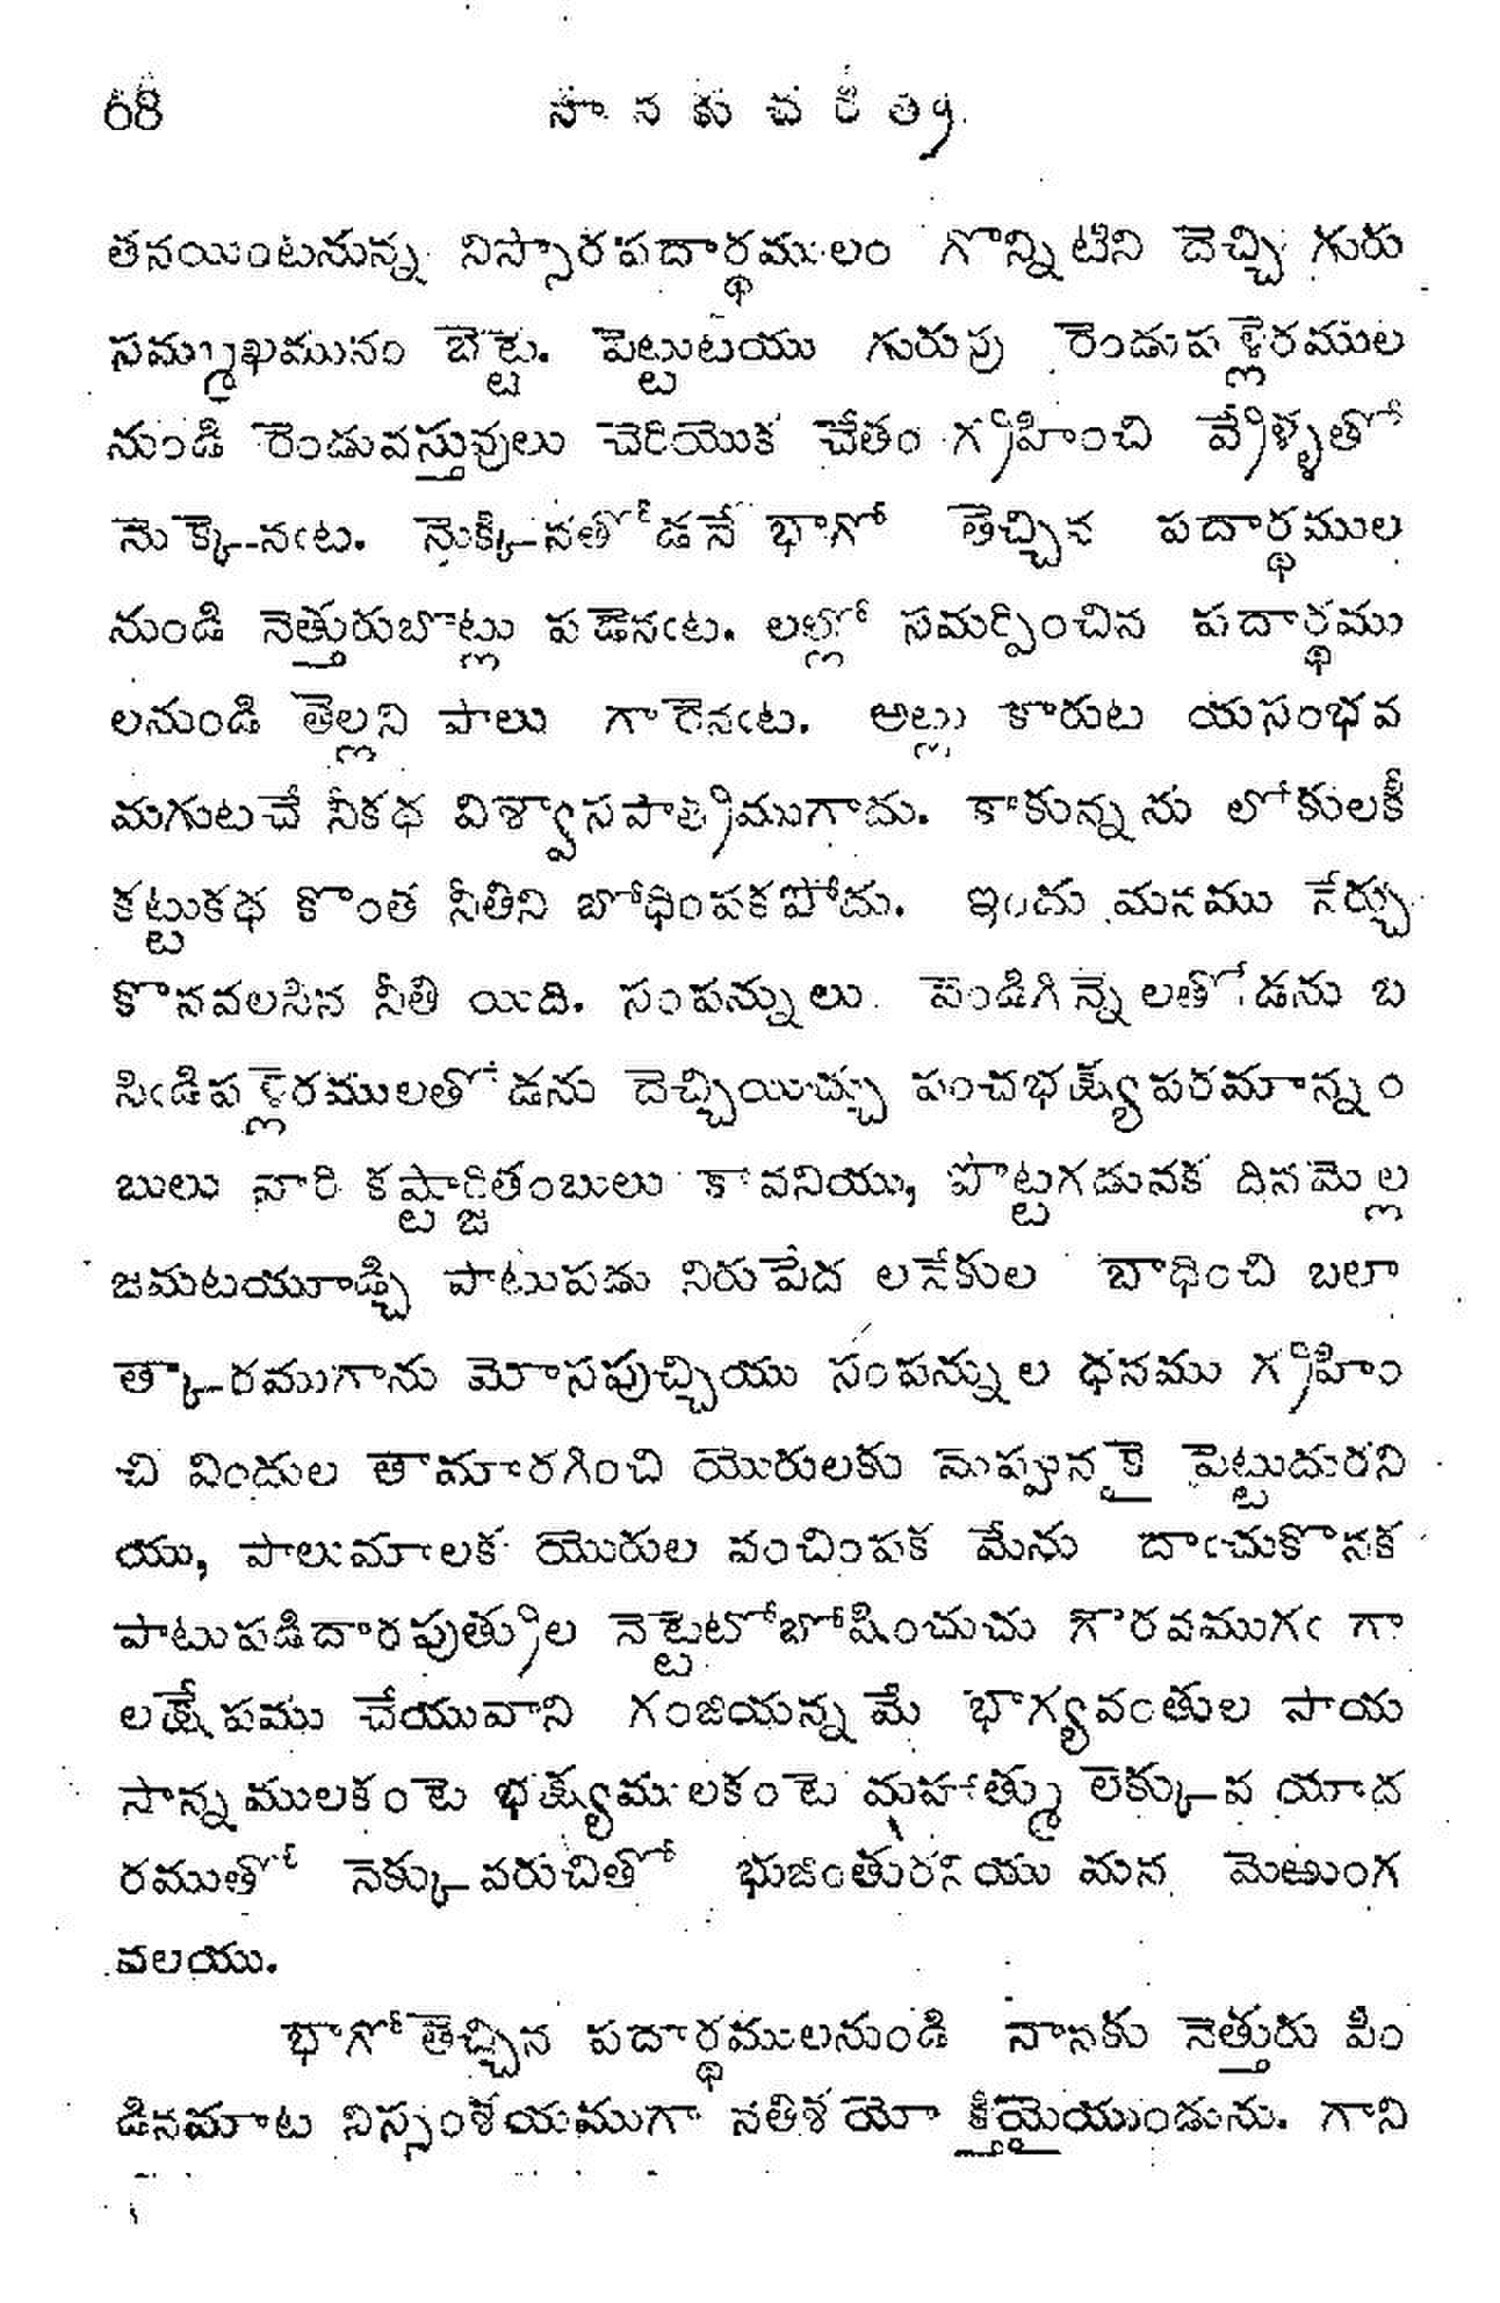తనయింటనున్న నిస్సారపదార్థములం గొన్నిటిని దెచ్చి గురు సమ్ముఖమునం బెట్టె. పెట్టుటయు గురువు రెండుపళ్లెరముల నుండి రెందువస్తువులు చెరియొక చేతం గ్రహించి వ్రేళ్ళతో నొక్కెనట. నొక్కినతోడనే భాగో తెచ్చిన పదార్థముల నుండి నెత్తురుబొట్లు పడెనట. లల్లో సమర్పించిన పదార్థములనుండి తెల్లని పాలు గారెనట. అట్లు కారుట యసంభవమగుటచే నీకథ విశ్వాసపాత్రముగాదు. కాకున్నను లోకులకీ కట్టుకథ కొంత నీతిని బోధింపకపోదు. ఇందు మనము నేర్చుకొనవలసిన నీతి యిది. సంపన్నులు వెండిగిన్నెలతోడను బసిడిపళ్లెరములతోడను దెచ్చియిచ్చు పంచభక్ష్యపరమాన్నంబులు వారి కష్టార్జితంబులు కావనియు, పొట్టగడువక దినమెల్ల జమటయూడ్చి పాటుపడు నిరుపేద లనేకుల బాధించి బలాత్కారముగాను మోసపుచ్చియు సంపన్నుల ధనము గ్రహించి విందుల తామారగించి యొరులకు మెప్పునకై పెట్టుదురనియు, పాలుమాలక యొరుల వంచింపక మేను దాచుకొనక పాటుపడిదారపుత్రుల నెట్టెటోబోషించుచు గౌరవముగ గాలక్షేపము చేయువాని గంజియన్నమే భాగ్యవంతుల పాయసాన్నములకంటె భక్ష్యములకంటె మహాత్ము లెక్కువ యాదరముతో నెక్కువరుచితో భూజింతురనియు మన మెఱుంగవలయు.

భాగోతెచ్చిన పదార్థములనుండి నానకు నెత్తురు పిండినమాట నిస్సంశయముగా నతిశయోక్తియైయుండును. గాని